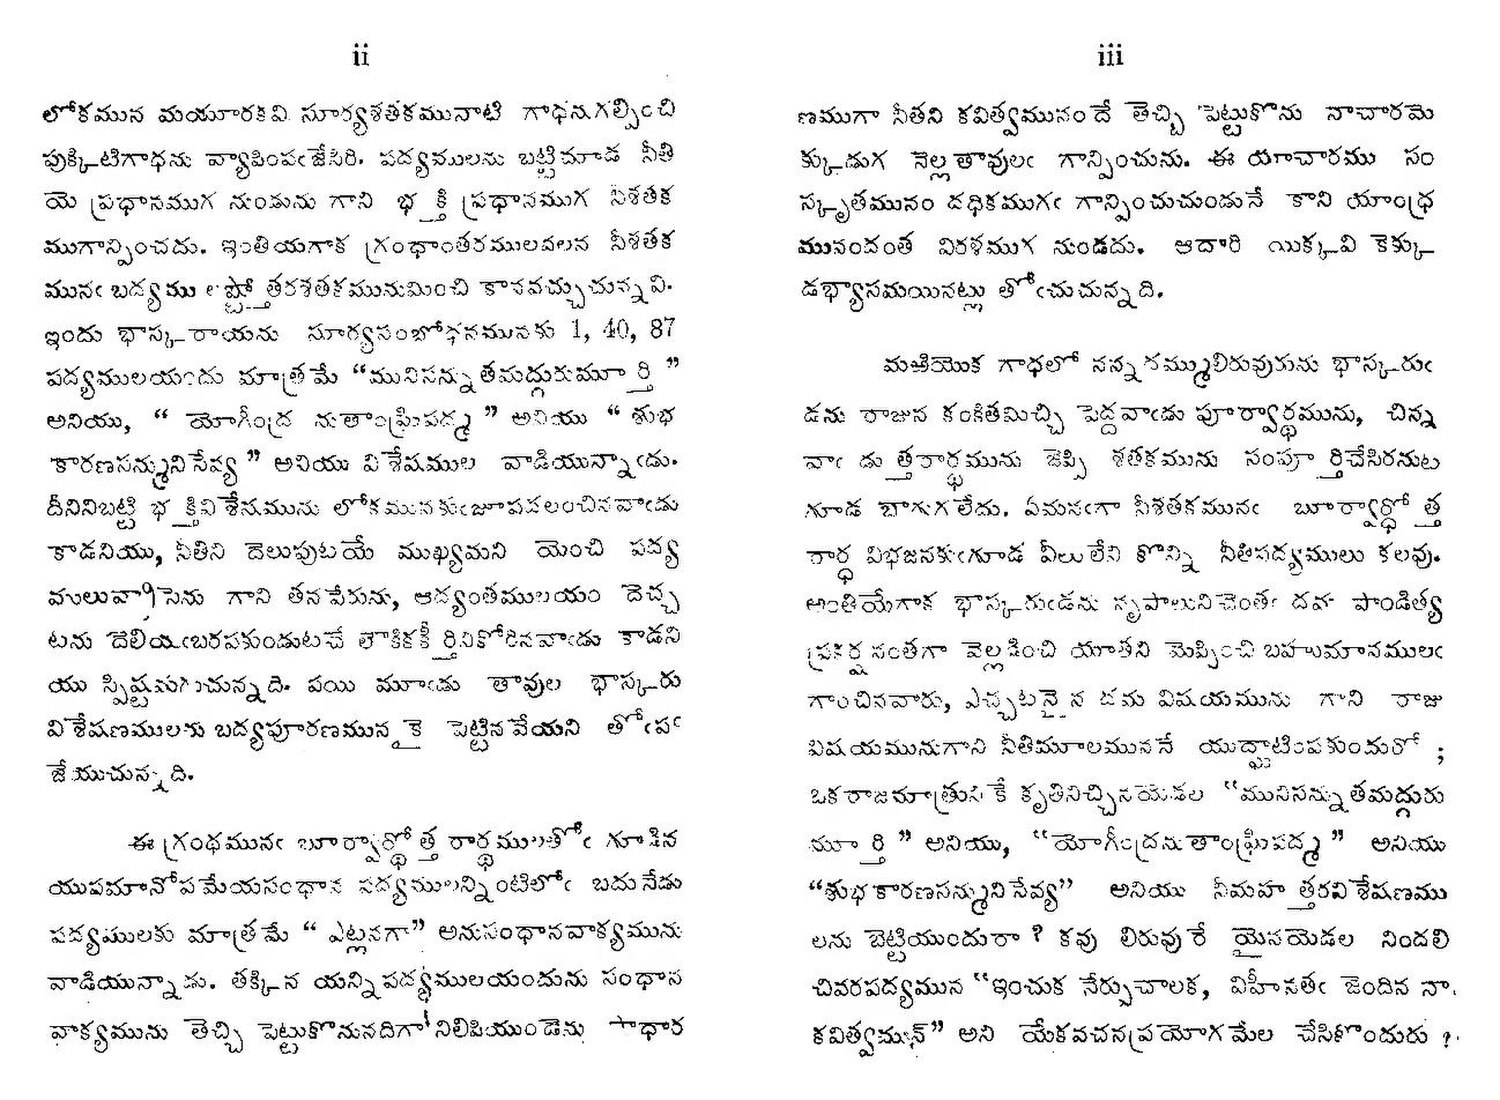లోకమున మయూర కవి సూర్యశతకమునాటి గాథను గల్పించి పుక్కిటిగాథను వ్యాపింపజేసిరి. పద్యములను బట్టి చూడ నీతియె ప్రధానముగ నుండును గాని భక్తి ప్రధానముగ నీతి శతకము గాన్పించదు. ఇంతియు గాక గ్రంథాంతరముల వలన నీ శతకమున బద్యము అష్టోత్తర శతకమును మించి కానవచ్చుచున్నవి. ఇందు భాస్కరాయను సూర్యసంబోధనమునకు 1,40,87 పద్యముల యందు మాత్రమే "మునిసన్నుతమద్గురుమూర్తి" అనియు, "యోగీంద్ర సుతాంఘ్రిపద్మ" అనియు "శుభకారణసన్మునిసేవ్య" అనియు విశేషముల వాడియున్నాడు. దీనినిబట్టి భక్తివిశేషమును లోకమునకు జూపదలంచినవాడు కాడనియు, నీతిని దెలుపుటయే ముఖ్యమని యెంచి పద్యములు వ్రాసెను గాని తనపేరును, ఆద్యంతములయం దెచ్చటను దెలియ బరపకుండుటచే లౌకికకీర్తిని కోరినవాడు కాడనియు స్పష్టమగుచున్నది. పయి మూడు తావుల భాస్కరు విశేషణములగు బద్యపూరణమునకై పెట్టినవేయని తోప జేయుచున్నది. 

ఈ గ్రంథమున బూర్వార్థోత్తరార్థముతో గూడిన యుపమానోపమేయసంధాన పద్యములన్నింటిలో బదునేడు పద్యములు మాత్రమే "ఎట్లనగా" అనుసంధానవాక్యమును వాడియున్నాడు. తక్కిన యన్నిపద్యములయందును సంధాన వాక్యమును తెచ్చి పెట్టుకొనునదిగా నిలిపియుండెను. సాధారణముగా నీతని కవిత్వమునందే తెచ్చి పెట్టుకొను నాచారమెక్కుడుగ నెల్లతావుల గాన్పించును. ఈ యాచారము సంస్కృతమునం దధికముగ గాన్పించుచుండునే కాని యాంధ్రమునందంత విరళముగ నుండదు. ఆదారి యిక్కవి కెక్కుదభ్యాసమయినట్లు తోచుచున్నది.

మఱియొక గాధలో నన్నదమ్ములిరువును భాస్కరుడను రాజున కంకితమిచ్చి పెద్దవాడు పూర్వార్థమును, చిన్నవా డుత్తరార్థమును జెప్పి శతకమును సంపూర్తిచేసిరనుట గూడ బాగుగలేదు. ఏమనగా నీశతకమున బూర్వార్థోత్తరార్థ విభజనకు గూడ వీలులేని కొన్ని నీతిపద్యములు కలవు. అంతియేగాక భాస్కరుడను నృపాలుని చెంత దమ పాండిత్య ప్రకర్షనంతగా వెల్లడించి యాతని మెప్పించి బహుమానముల గాంచినవారు, ఎచ్చటనైన దమ విషయమును గాని రాజు విషయమునుగాని నీతిమూలముననే యుద్ఘాటింపకుందురో ; ఒక రాజమాత్రునికే కృతినిచ్చిన యెడల "మునిసన్నుతమద్గురుమూర్తి" అనియు, "యోగీంద్రనుతాంఘ్రిపద్మ" అనియు "శుభకారణసన్మునిసేవ్య" అనియు నీమహత్తర విశేషనములను బెట్టియుందురా ? కవు లిరువురే యైనయెడల నిందలి చివరిపద్యమున "ఇంచుక నేర్పుచాలక, విహీనత జెందిన నా కవిత్వమున్" అని యేకవచనప్రయోగమేల చేసికొందురు ?